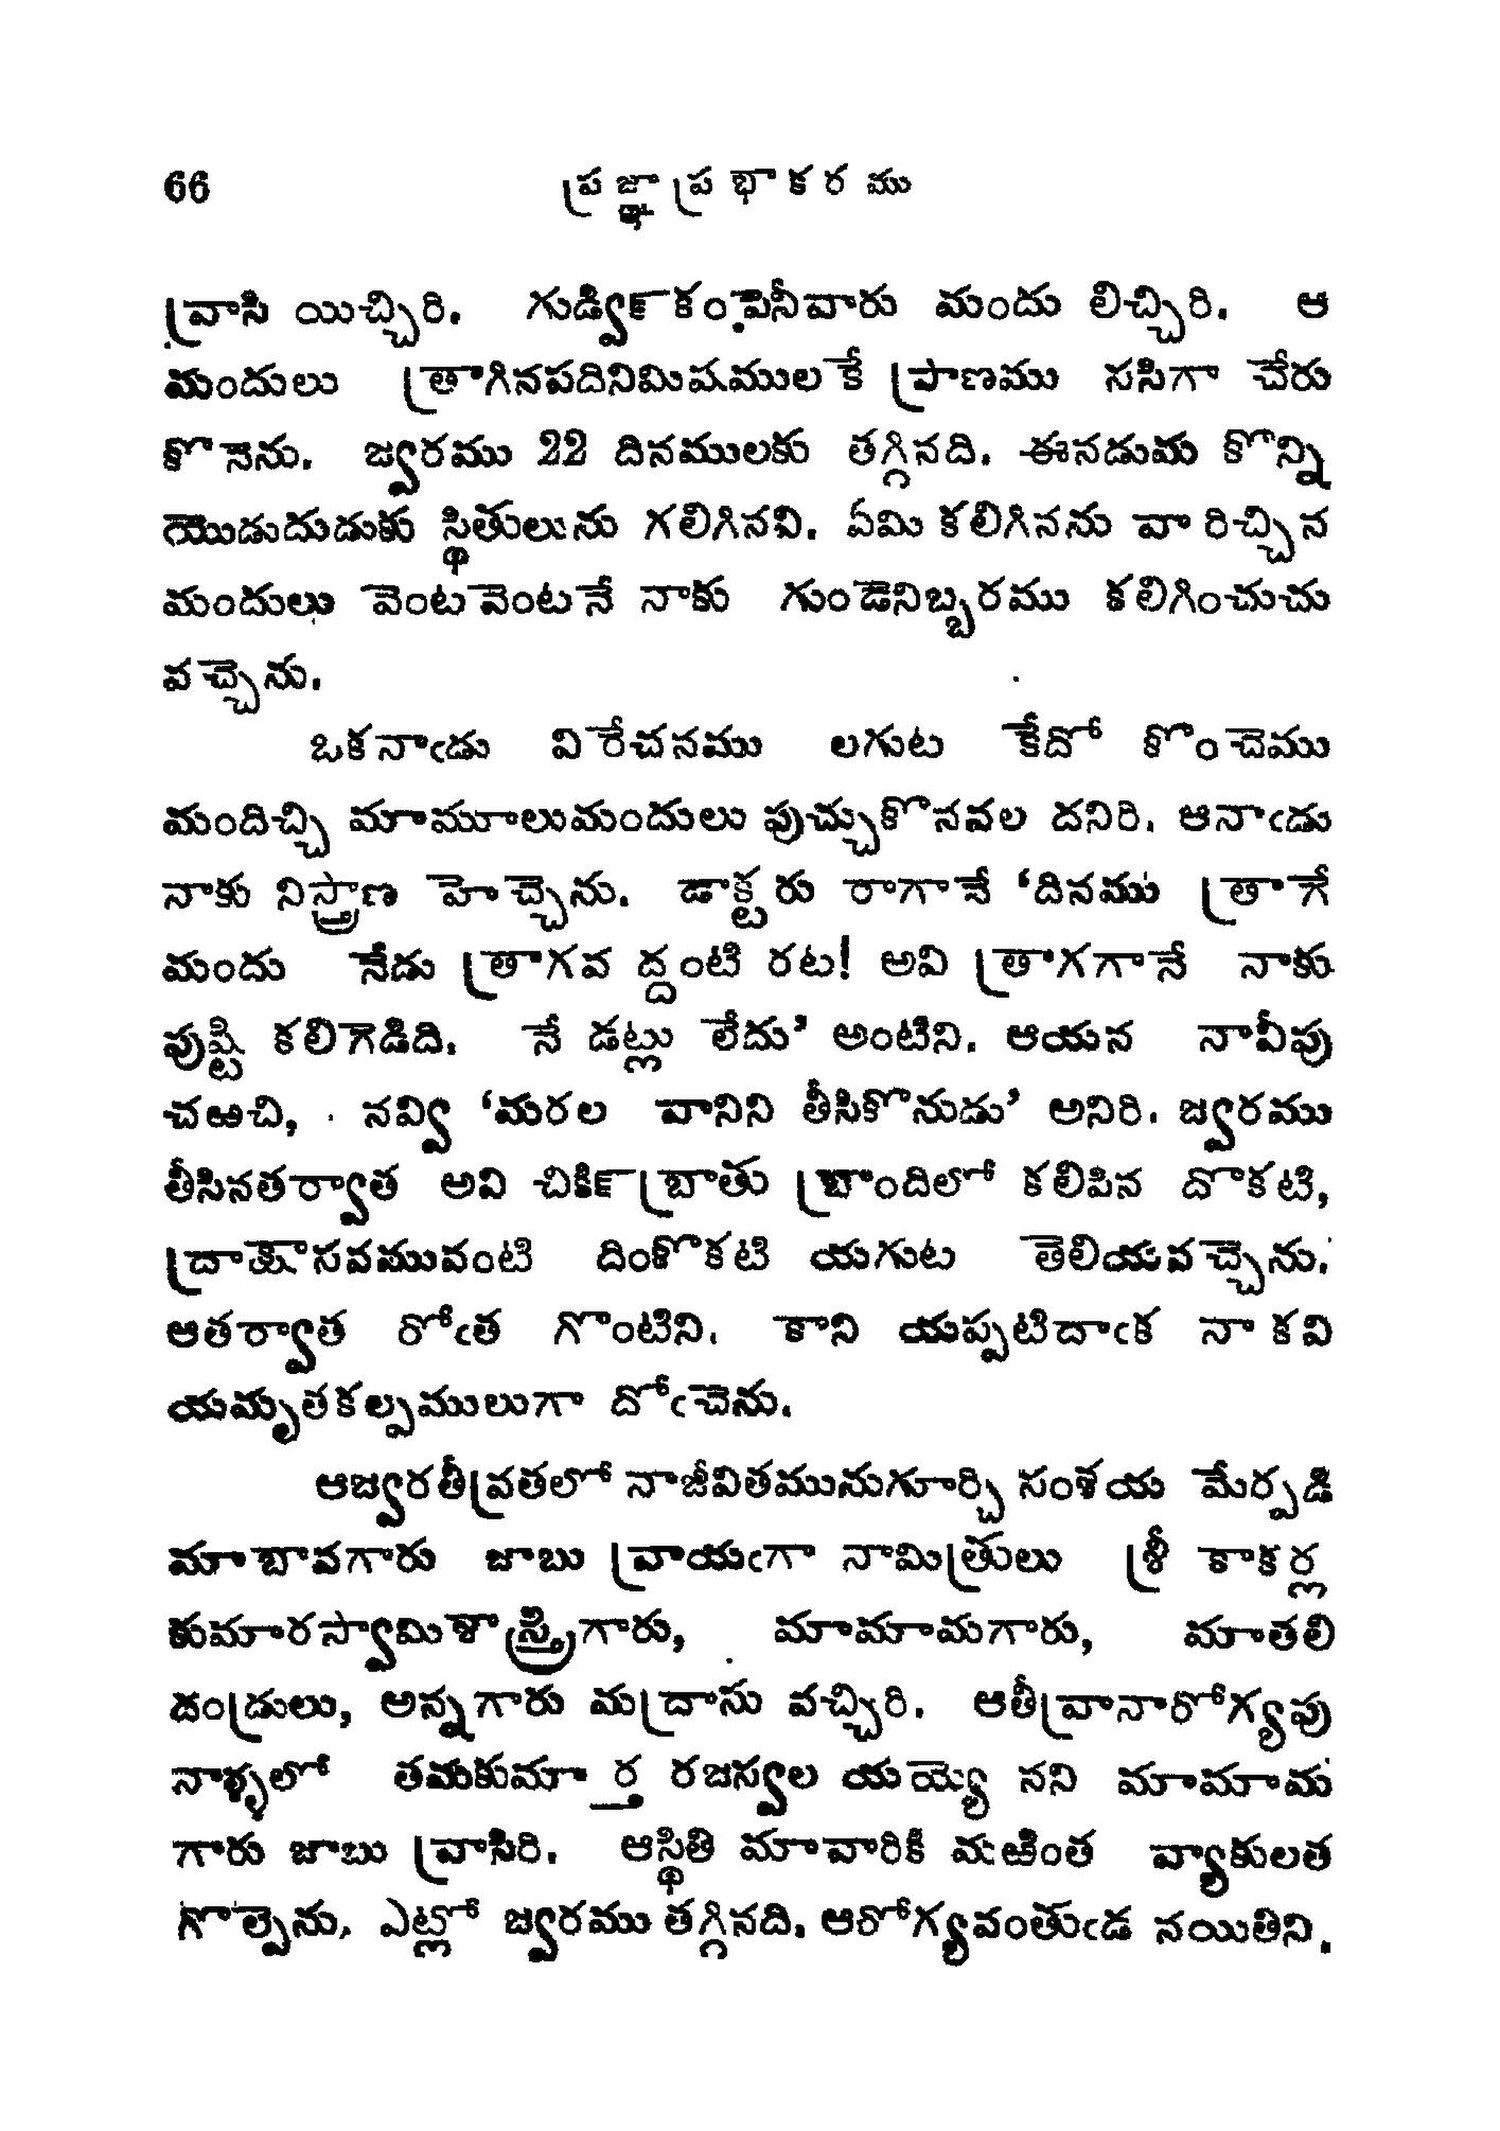వ్రాసి యిచ్చిరి. గిడ్విన్ కంపెనీ వారు మందు లిచ్చిరి. అ మందులు త్రాగిన పదినిమిషములకే ప్రాణము ససిగా చేరుకొనేను. జ్వరము 22 దినములకు తగ్గినది. ఈ నడుమ కొన్ని యొడుదుడుకు స్థితులను గలిగినవి. ఏమి కలిగినను వా రిచ్చిన మందులు వెంట వెంటనే నాకు గుండె నిబ్బరము కలిగించుచు వచ్చెను.

ఒకనాఁడు విరేచనము లగుట కేదో కొంచెము మందిచ్చి మామూలుమందులు పుచ్చుకొనవల దనిరి. ఆనాఁ డు నాకు నిస్త్రాణ హెచ్చును. డాక్టరు రాగానే ' దినము త్రాగే మందు నేడు త్రాగవద్దంటి రట! అవి త్రాగగానే నాకు పుష్టి కలిగెడిది. నే డట్లు లేదు' అంటిని. ఆయన నావీపు చఱచి, నవ్వి ' మరల వానిని తిసుకొనుడు' అనిరి, జ్వరము తీసిన తర్వాత అవి చికిన్ బాతు బ్రాందిలో కలిపిన దొకటి, ద్రాక్షాసవమువంటి దింకొకటి యగుట తెలియ వచ్చెను. ఆ తర్వాత రోఁత గొంటిని. కాని యప్పటిదాఁ క నా కవి యమృతకల్పములుగా దోఁ చెను.

ఆ జ్వరతీవ్రతలో నా జీవితమును గూర్చి సంశయ మేర్పడి మా బావగారు జాబు వ్రాయఁగానా మిత్రులు శ్రీకాకర్ల కుమార స్వామి శాస్త్రిగారు, మామామగారు, మాతలిదండ్రులు, అన్నగారు మద్రాసు వచ్చరి, ఆ తీవ్రానా రోగ్యపు నాళ్ళలో తమకుమారై రజస్వల యయ్యె నని మామామగారు జాబు వ్రాసిరి. ఆస్థితి మా వారికీ మఱింత వ్యాకులత గొల్పెను. ఎట్లో జ్వరము తగ్గినది. ఆరోగ్య వంతుఁడ నయితిని.